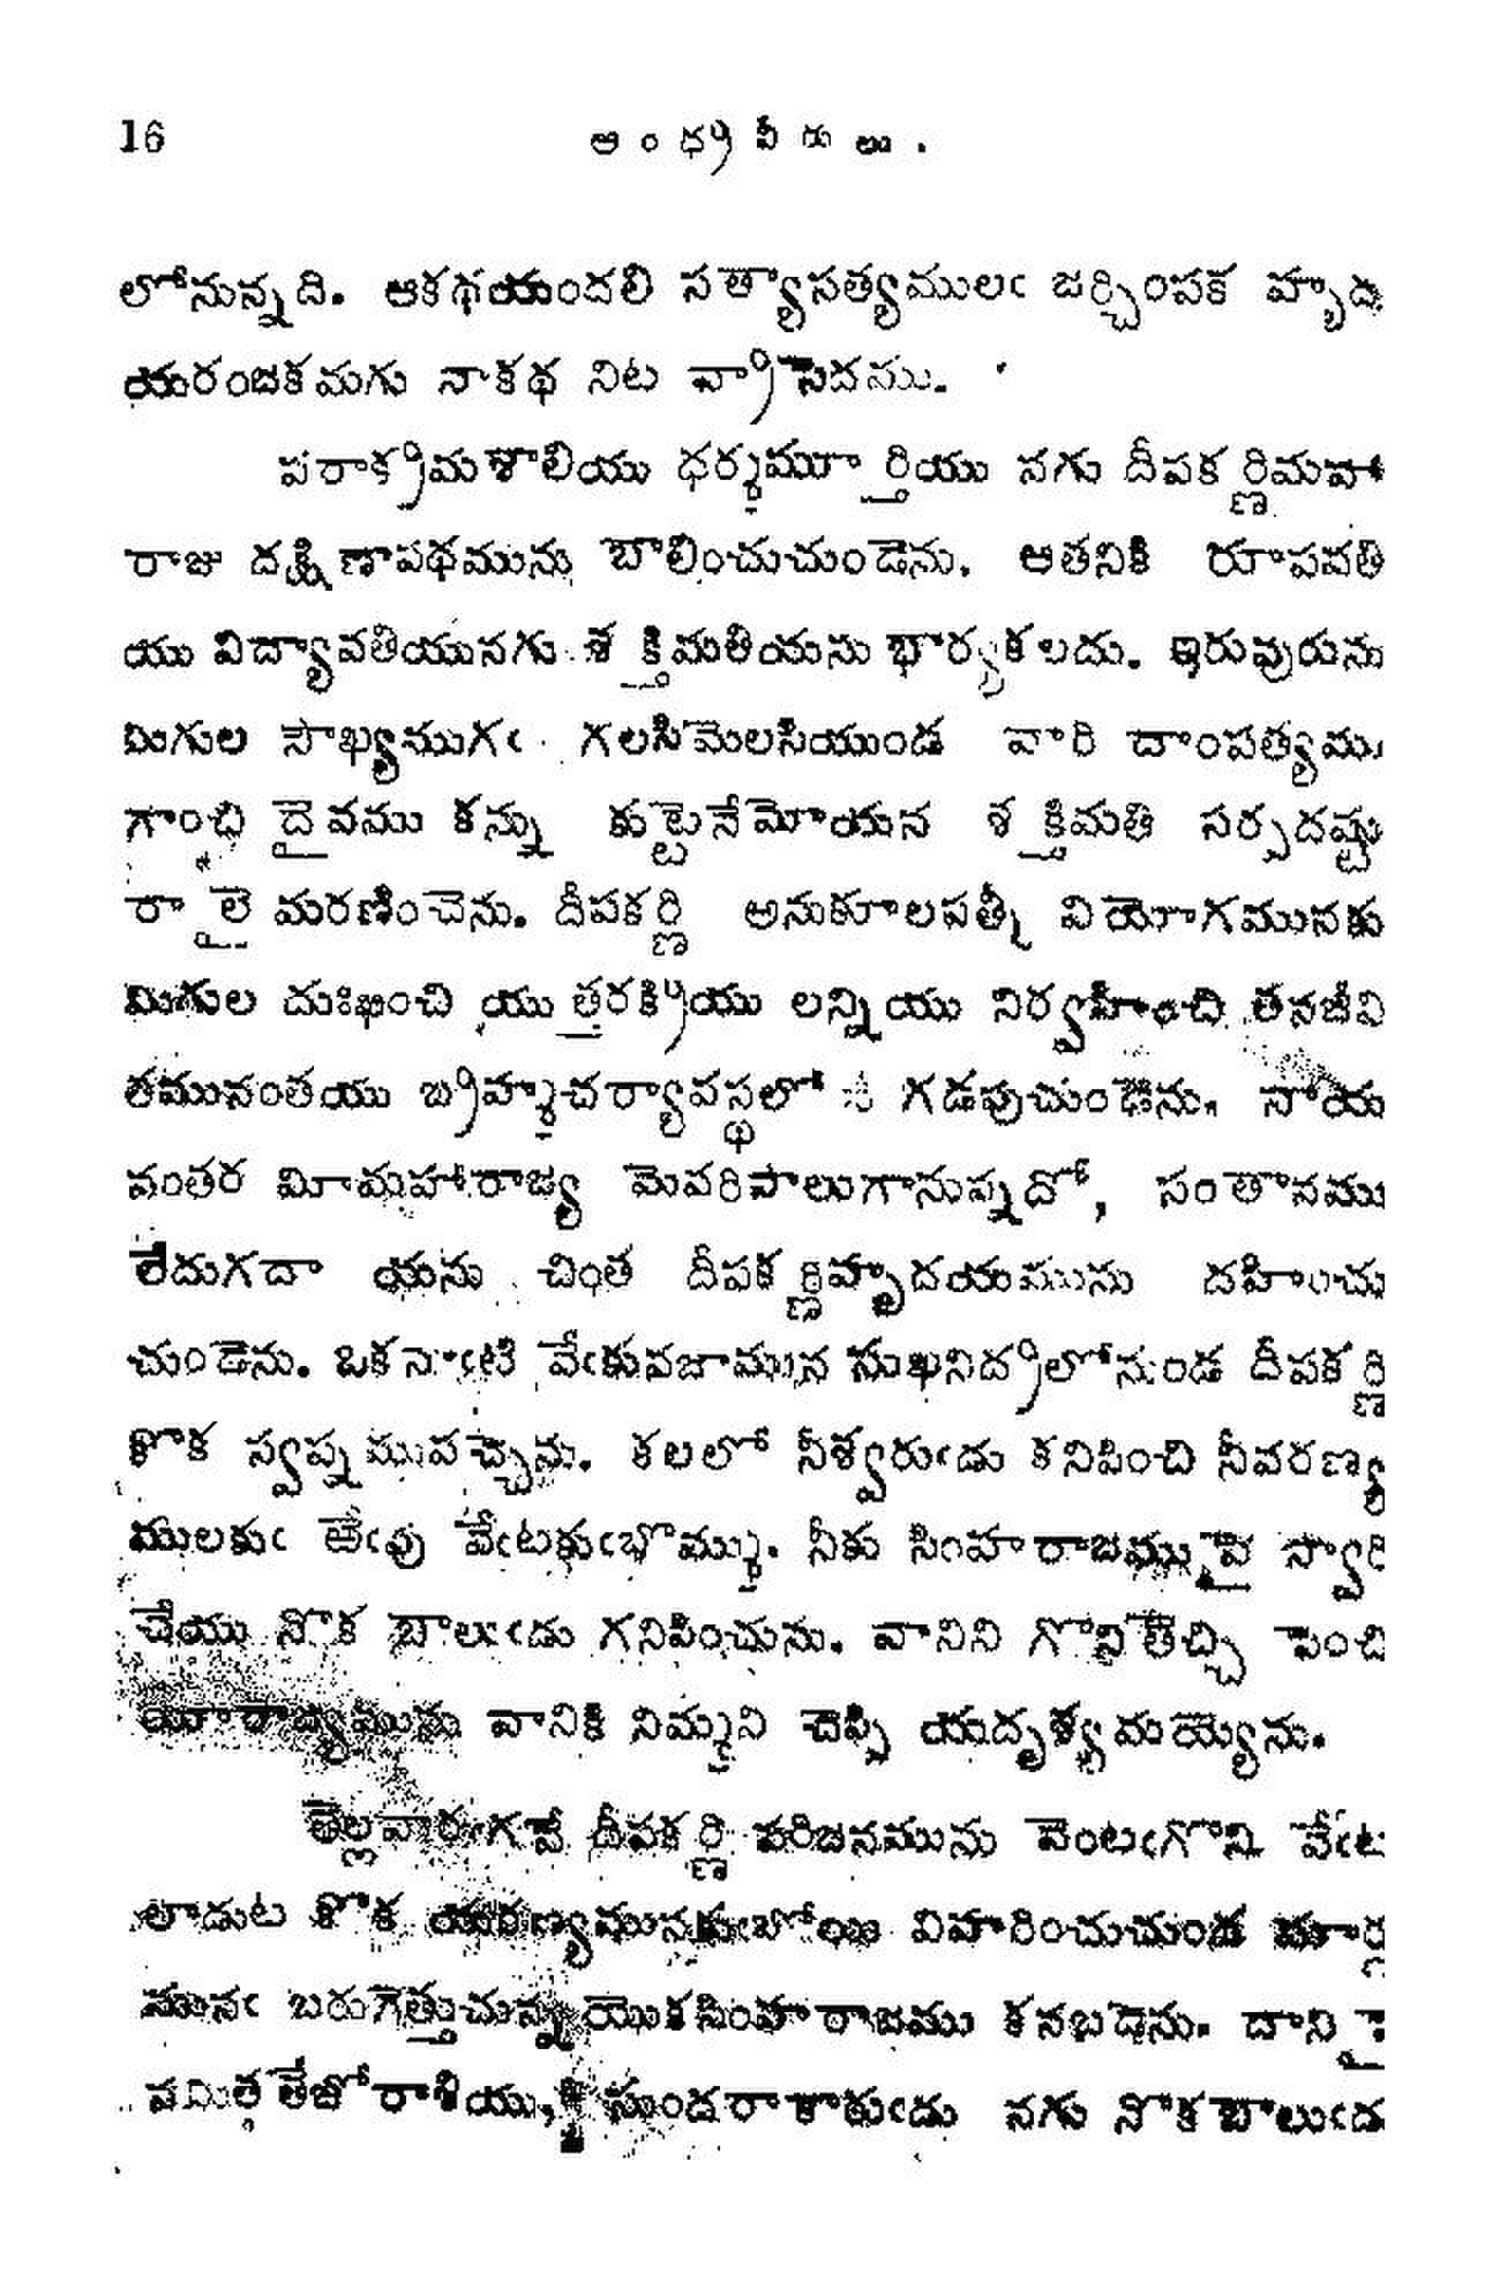లోనున్నది. ఆకథయందలి సత్యాసత్యముల జర్చింపక హృదయరంజకమగు నాకథ నిట వ్రాసెదము.

పరాక్రమశాలియు ధర్మమూర్తియు నగు దీపకర్ణిమహారాజు దక్షిణాపథమును బాలించుచుండెను. ఆతనికి రూపవతియు విద్యావతియునగు శక్తిమతియను భార్య కలదు. ఇరువురును మిగుల సౌఖ్యముగ గలసిమెలసియుండ వారి దాంపత్యము గాంచి దైవము కన్ను కుట్టెనేమోయన శక్తిమతి సర్పదష్టురాలై మరణించెను. దీపకర్ణి అనుకూలపత్నీ వియోగమునకు మిగుల దు:ఖించి యుత్తరక్రియు లన్నియు నిర్వహించి తనజీవితమునంతయు బ్రహ్మచర్యావస్థలోనే గడపుచుండెను. నాయనంతర మీమహారాజ్య మెవరిపాలుగానున్నదో, సంతానము లేదుగదా యను చింత దీపకర్ణిహృదయమును దహించు చుండెను. ఒకనాటి వేకువజామున సుఖనిద్రలోనుండ దీపకర్ణి కొక స్వప్నమువచ్చెను. కలలో నీశ్వరుడు కనిపించి నీవరణ్యములకు ఱేపు వేటకుబొమ్ము. నీకు సింహరాజముపై స్వారిచేయు నొకబాలుడు గనిపించును. వానిని గొనితెచ్చి పెంచి యీరాజ్యమును వానికి నిమ్మని చెప్పి యదృశ్యమయ్యెను.

తెల్లవారుగనే దీపకర్ణి పరిజనమును వెంటగొని వేటలాడుట కొక యరణ్యమునకుబోయి విహరించుచుండ మార్గమున బరుగెత్తుచున్న యొకసింహరాజము కనబడెను. దానిపై నమితతేజోరాశియు, సుందరాకారుడు నగు నొకబాలుడు